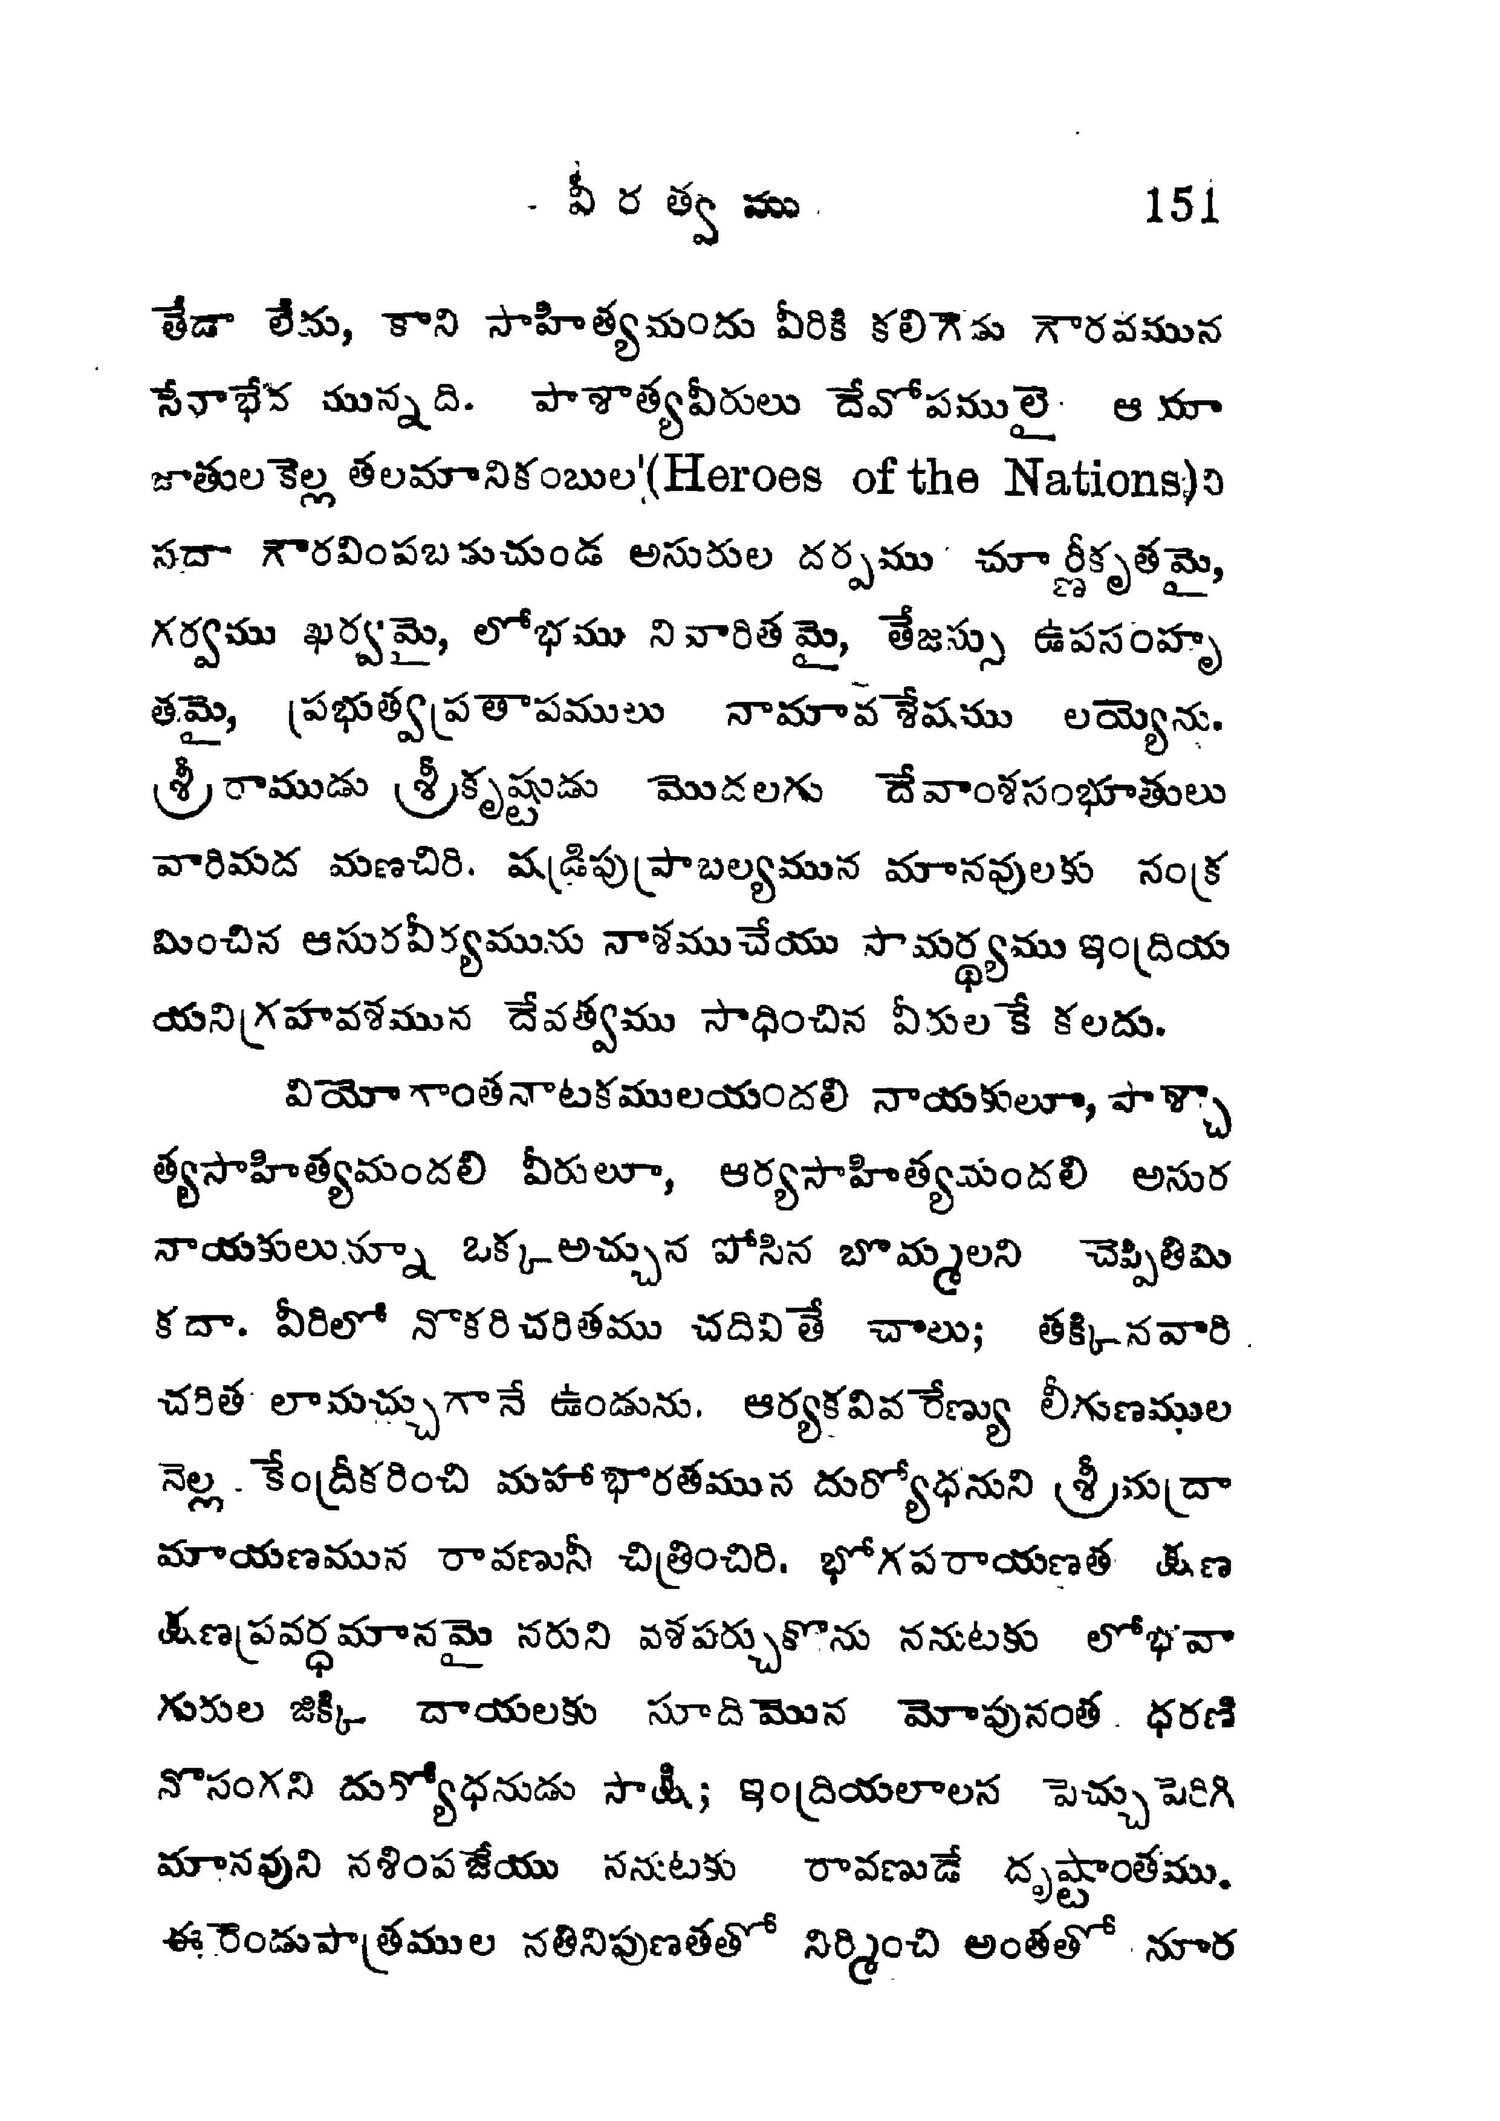తేడా లేదు, కాని సాహిత్యమందు వీరికి కలిగెడు గౌరవమున సేవాభేద మున్నది. పాశాత్యవీరులు దేవోపములై ఆయా జాతులకెల్ల తలమానికంబుల (Heroes of the Nations)ని సదా గౌరవింపబడుచుండ అసురుల దర్పము చూర్ణీకృతమై, గర్వము ఖర్వమై, లోభము నివారితమై, తేజస్సు ఉపసంహృతమై, ప్రభుత్వప్రతాపములు నామావశేషము లయ్యెను. శ్రీరాముడు శ్రీకృష్ణుడు మొదలగు దేవాంశసంభూతులు వారిమద మణచిరి. షడ్రిపుప్రాబల్యమున మానవులకు సంక్రమించిన ఆసురవీర్యమును నాశముచేయు సామర్థ్యము ఇంద్రియ యనిగ్రహవశమున దేవత్వము సాధించిన వీరులకే కలదు.

వియోగాంతనాటకములయందలి నాయకులూ, పాశ్చాత్యసాహిత్యమందలి వీరులూ, ఆర్యసాహిత్యమందలి అసుర నాయకులున్నూ ఒక్క అచ్చున పోసిన బొమ్మలని చెప్పితిమి కదా. వీరిలో నొకరిచరితము చదివితే చాలు; తక్కినవారి చరిత లామచ్చుగానే ఉండును. ఆర్యకవివరేణ్యు లీగుణముల నెల్ల కేంద్రీకరించి మహాభారతమున దుర్యోధనుని శ్రీమద్రామాయణమున రావణునీ చిత్రించిరి. భోగపరాయణత క్షణక్షణప్రవర్ధమానమై నరుని వశపర్చుకొను ననుటకు లోభవాగురుల జిక్కి దాయలకు సూదిమొన మోపునంత ధరణి నొసంగని దుర్యోధనుడు సాక్షి; ఇంద్రియలాలస పెచ్చు పెరిగి మానవుని నశింపజేయు ననుటకు రావణుడే దృష్టాంతము. ఈరెండుపాత్రముల నతినిపుణతతో నిర్మించి అంతతో నూర